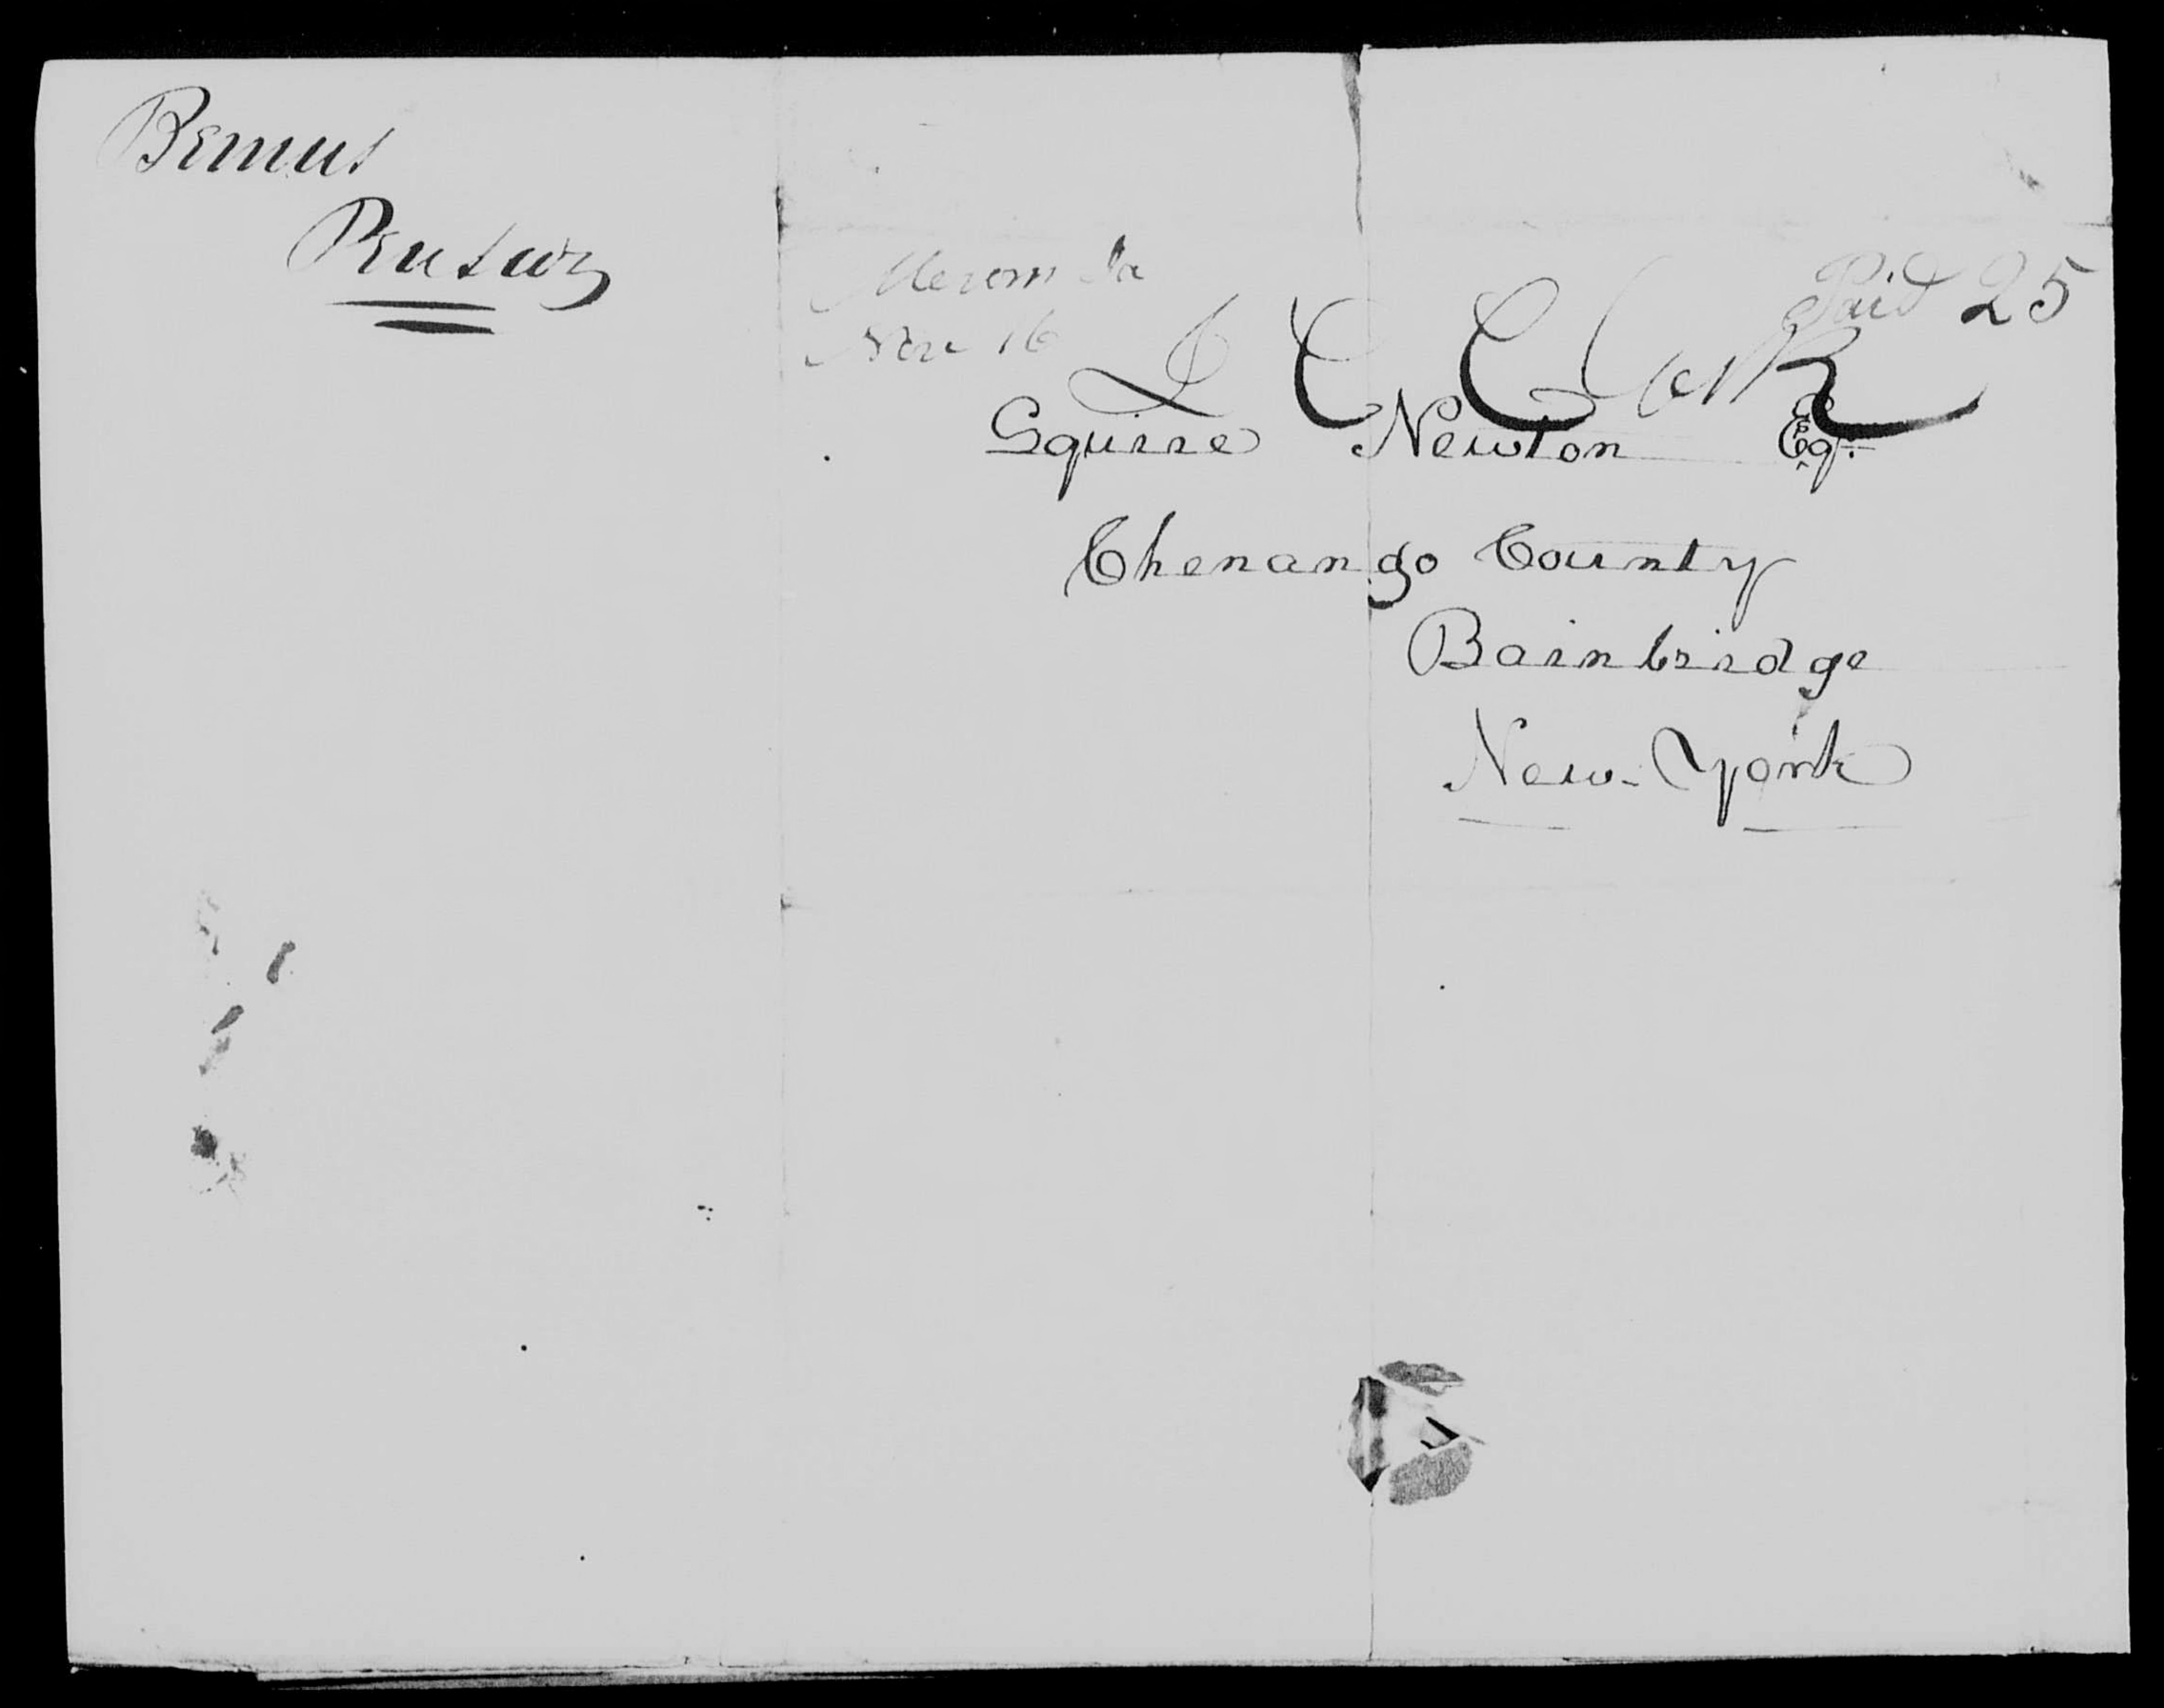[left side]
Bemus
Pension



[right side]

Meromda [?]
Nov 16
Paid 25

J. C. Clark 

Squire Newton Esq.
Chenango County
Bainbridge
New York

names: J C Clark, Bemus, Squire Newton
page: 3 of 14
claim: survivor's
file: S. 32116, Levi Bemis, Vt.